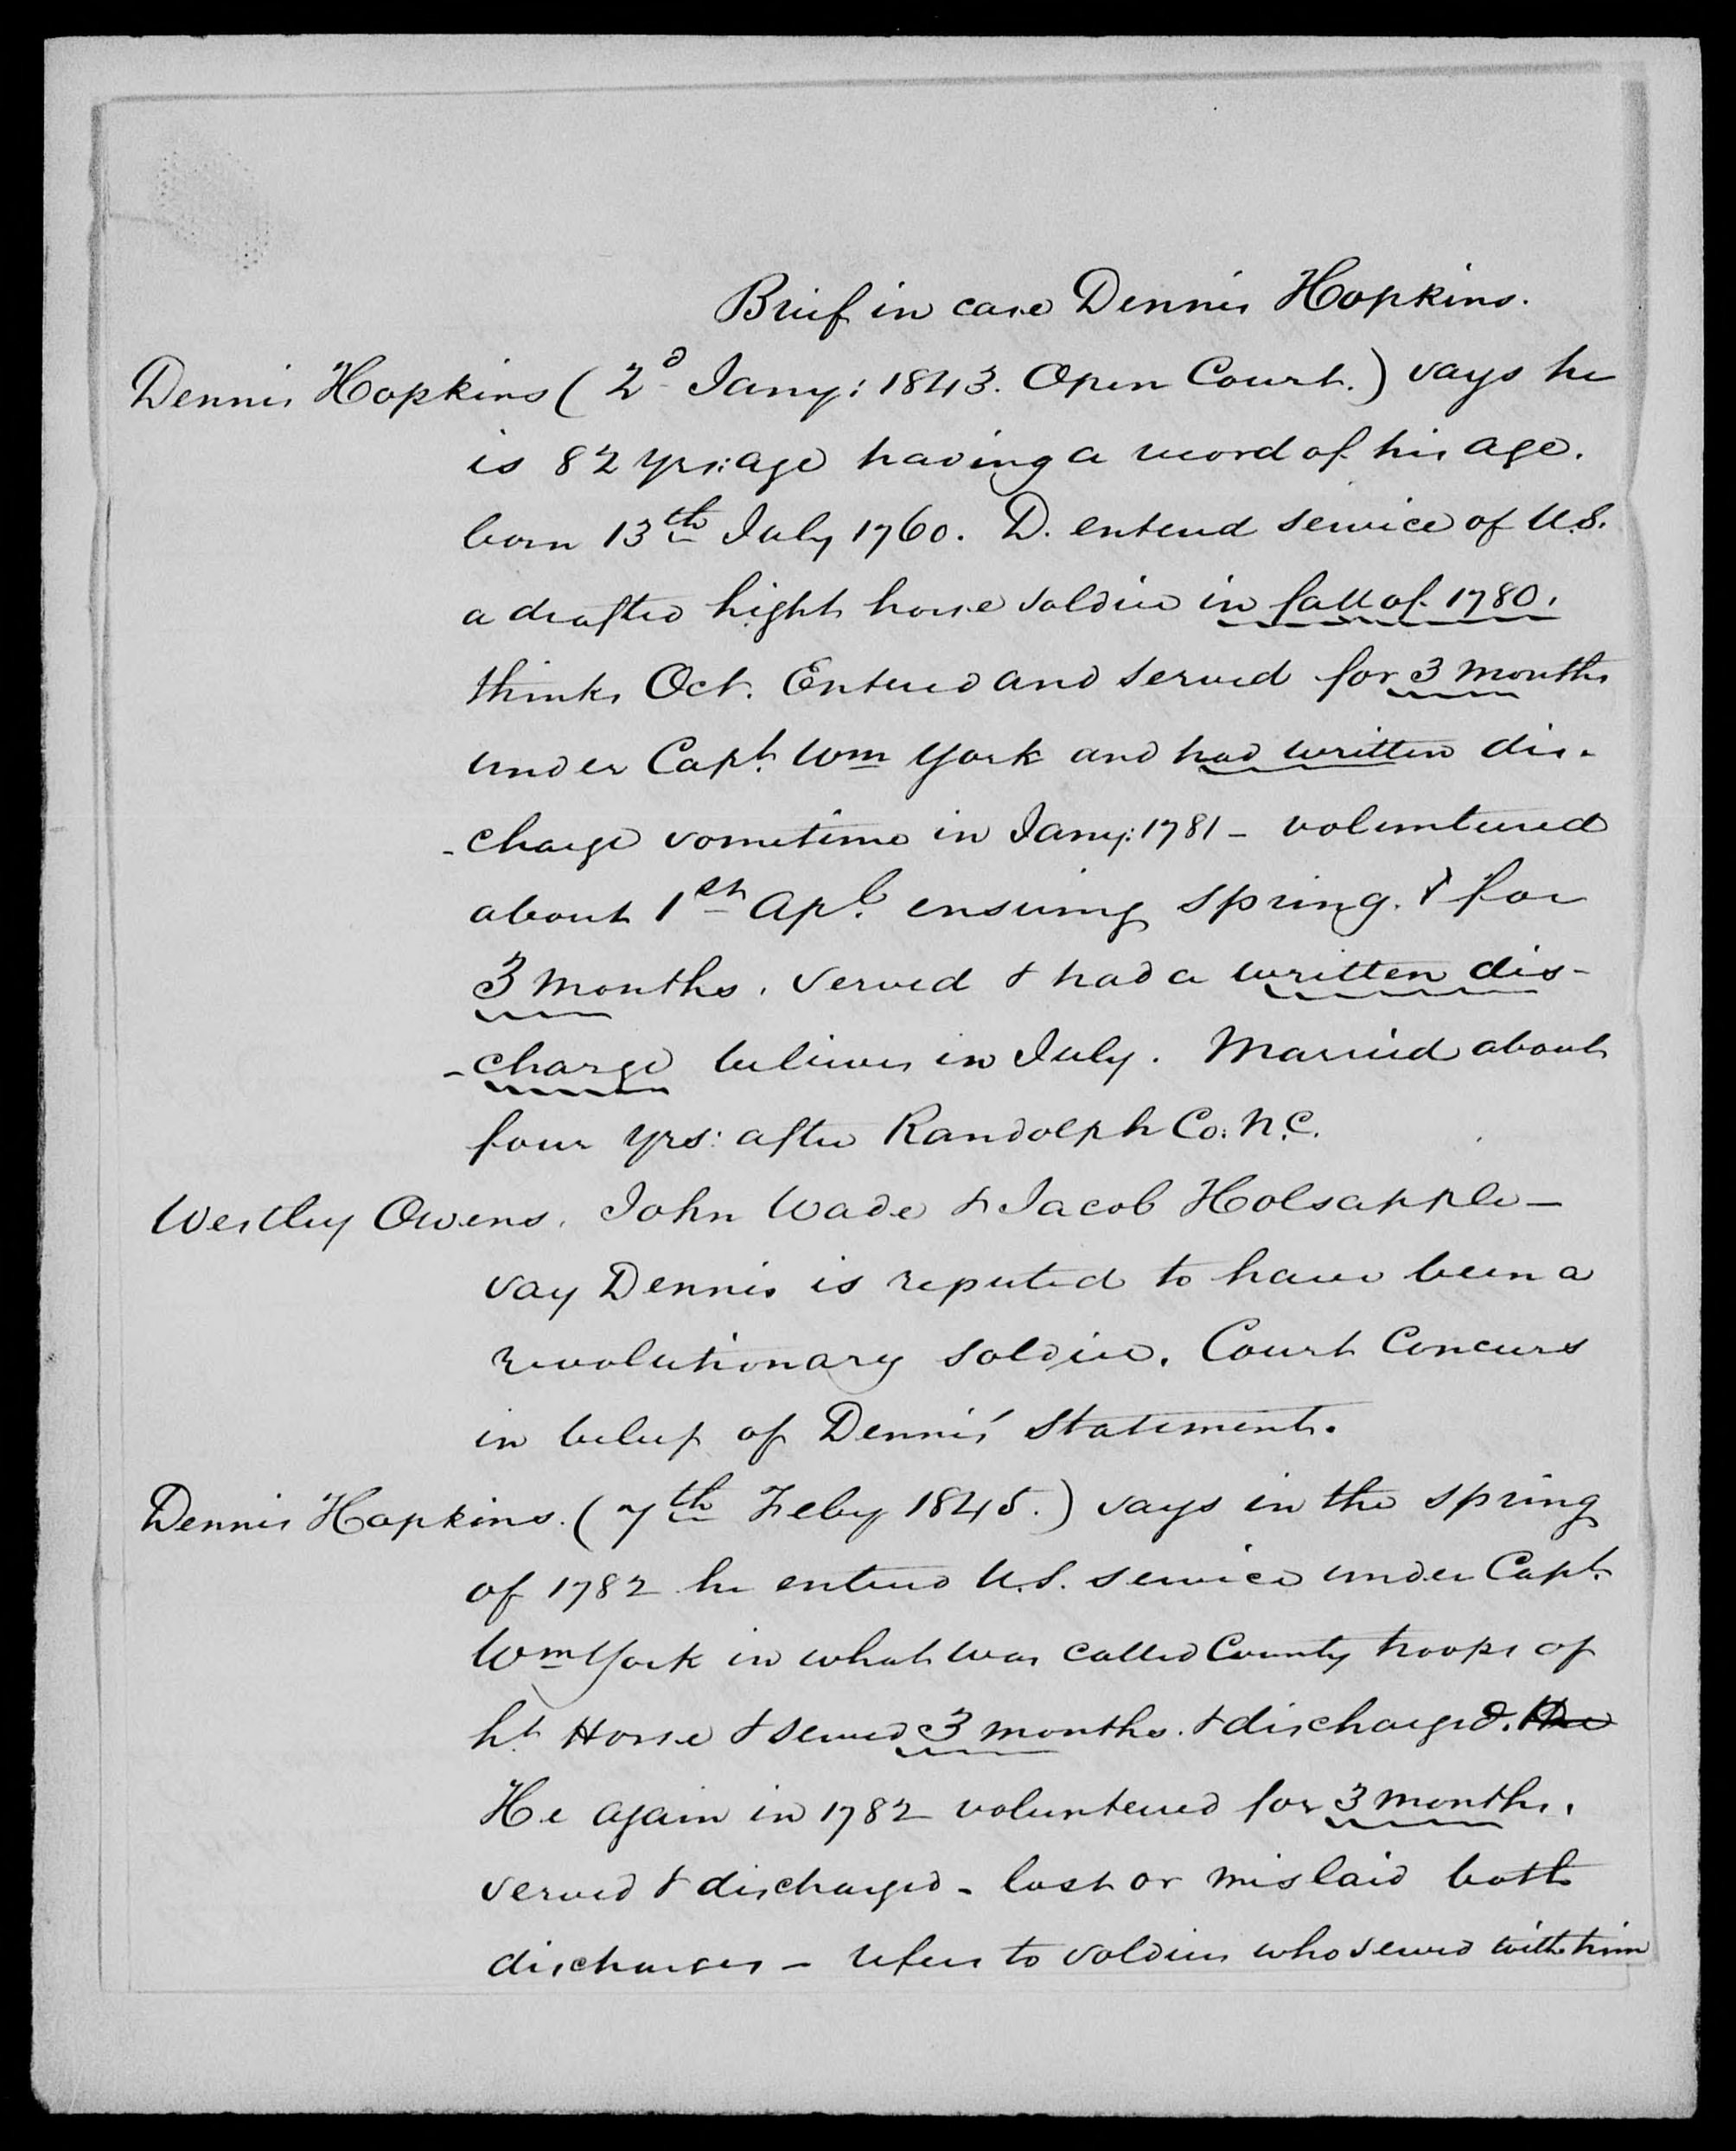Brief in case Dennis Hopkins.
Dennis Hopkins (2d Jany: 1843. Open Court.) says he is 82 years having a record of his age. Born 13th July 1760. D. entered service of U.S a drafted light horse solider in fall of 1780. thinks Oct. Entered and served for 3 months under Capt. Wm York and had written discharge sometime in Jny 1781- volunteered about 1st Apl. ensuing spring for 3 months. Served and had a written discharge believes in July. Married about four yrs after Randolph Co. N.C.
Westley Owens. John Wade and Jacob Holsapple- say Dennis is reputed to have been a revolutionary soldier. Court Concurs in belief of Dennis' Statements.
Dennis Hopkins (7th Feby 1845). Says in the spring of 1782 he entered U.S. service under Capt Wm York in what was called  County troops of Lt Horse and served 3 months and discharged. He again in 1782 volunteered for 3 months served and discharged. lost or mislaid both discharges- refer to soldiers who served with him.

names: Horse, Wm York, Westley Owens, Jacob Holsapple, John Wade, Dennis Hopkins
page: 47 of 144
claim: rejected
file: R. 5208, Dennis Hopkins, N.C.